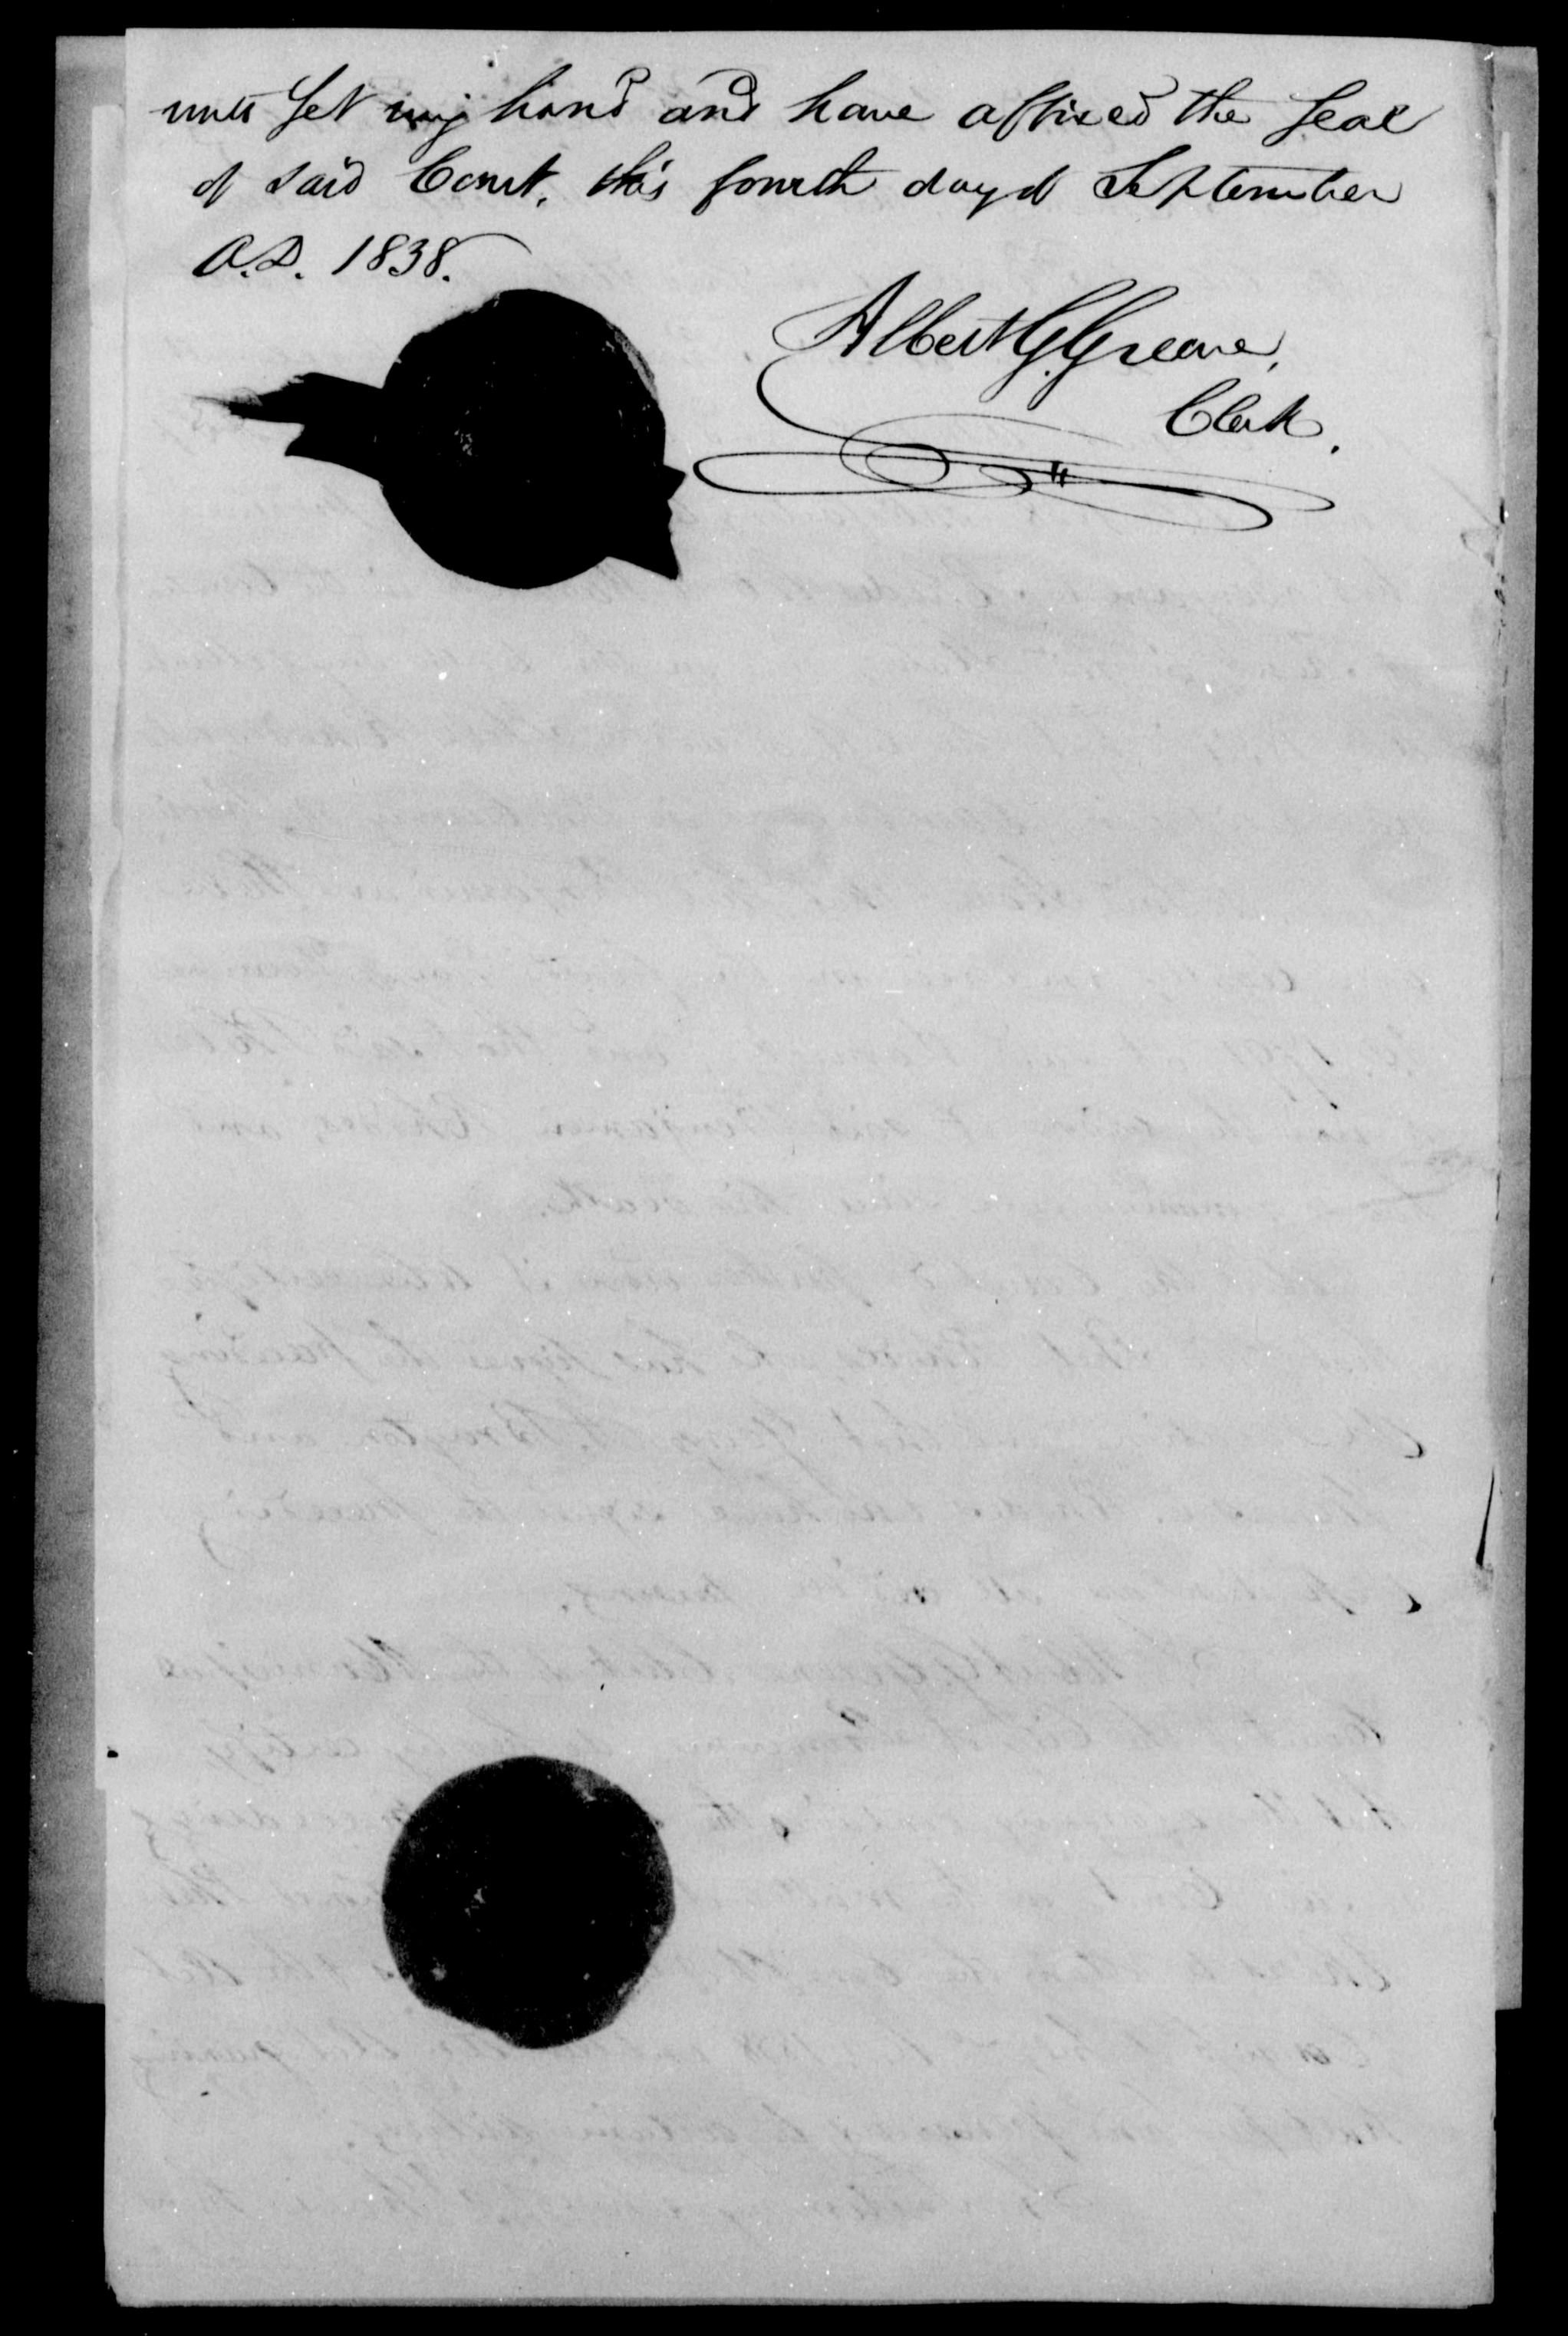unto set my hand and have affixed the seal
of said Court, this fourth day of September
A.D. 1838.
Albert G. Greene
Clerk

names: Albert G Greene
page: 14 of 50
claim: widow's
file: W. 22058, for Benjamin Rhodes, Rhode Island